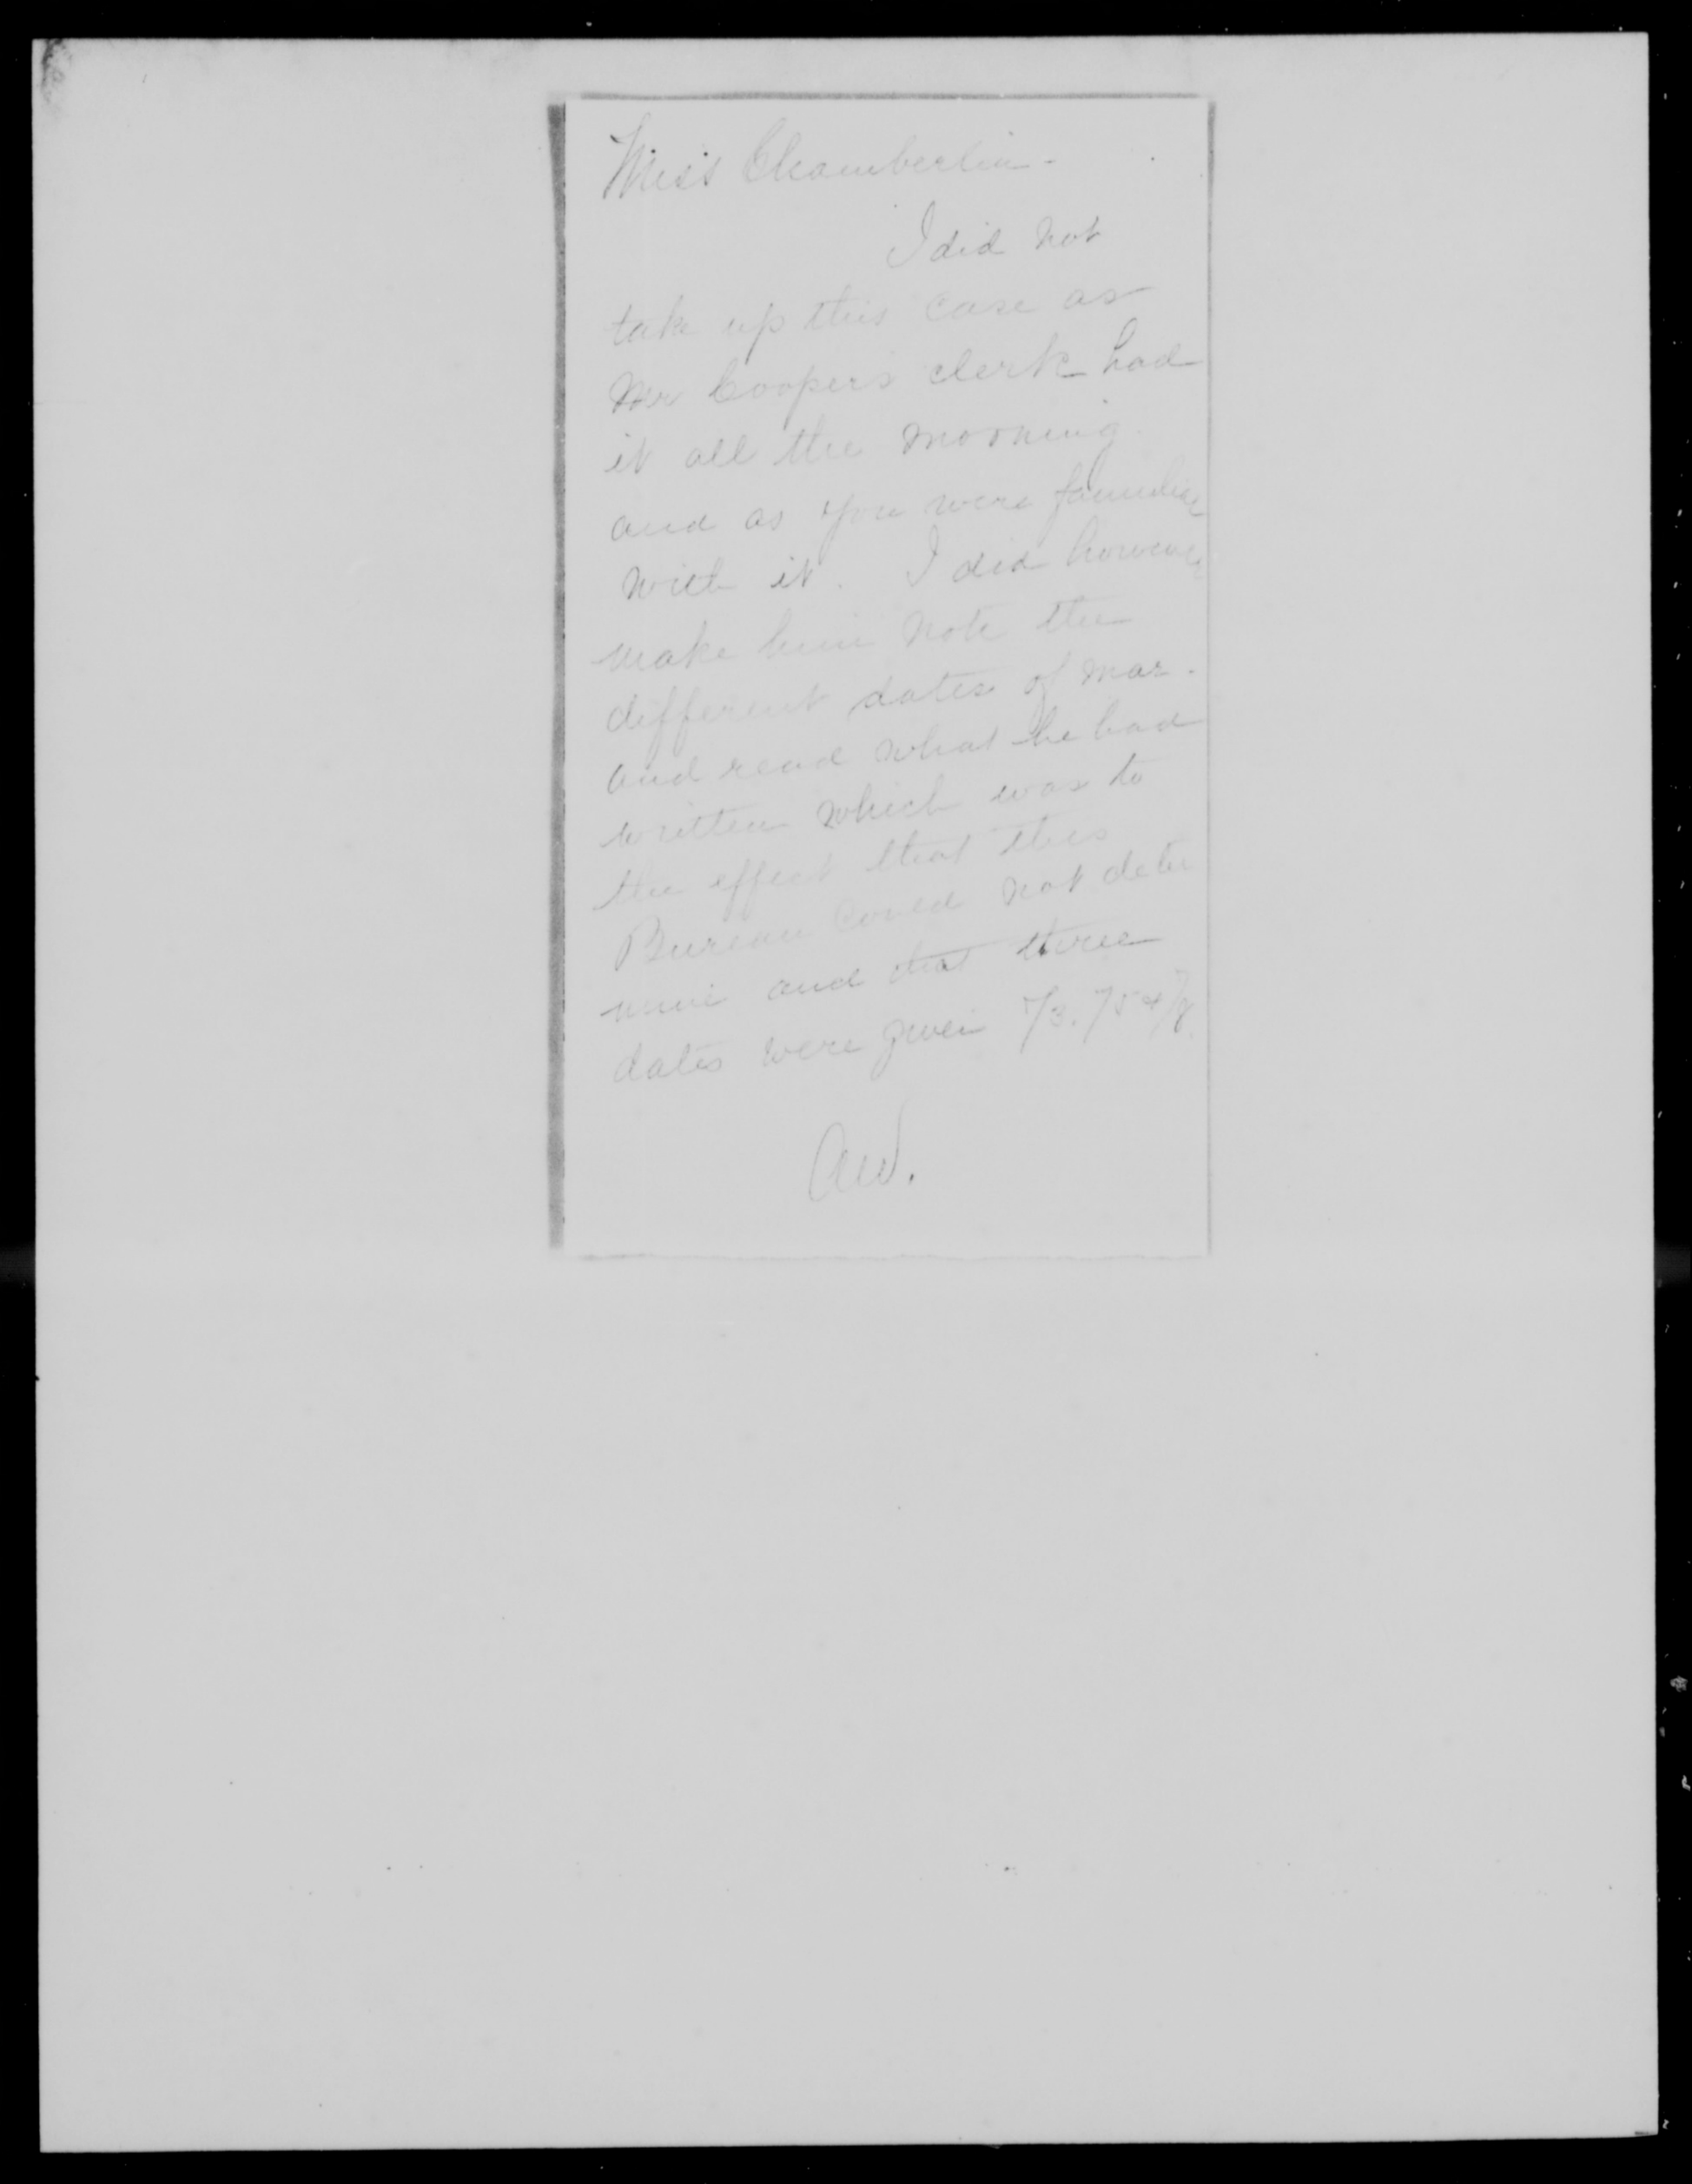[written in pencil]
Miss Chamberlin,
	I did not take up this case as Mr. Coopers clerk had it all the morning and as you were familiar with it. I did however, make him note the different dates of Mar. and read what he had written which was to the effect that the Bureau could not determine and [illegible] three dates were given 7/3, 7/5, & 7/8.
AW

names: [BLANK] Cooper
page: 21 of 73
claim: widow's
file: W. 3197, for Peter Stillwagon, New Jersey